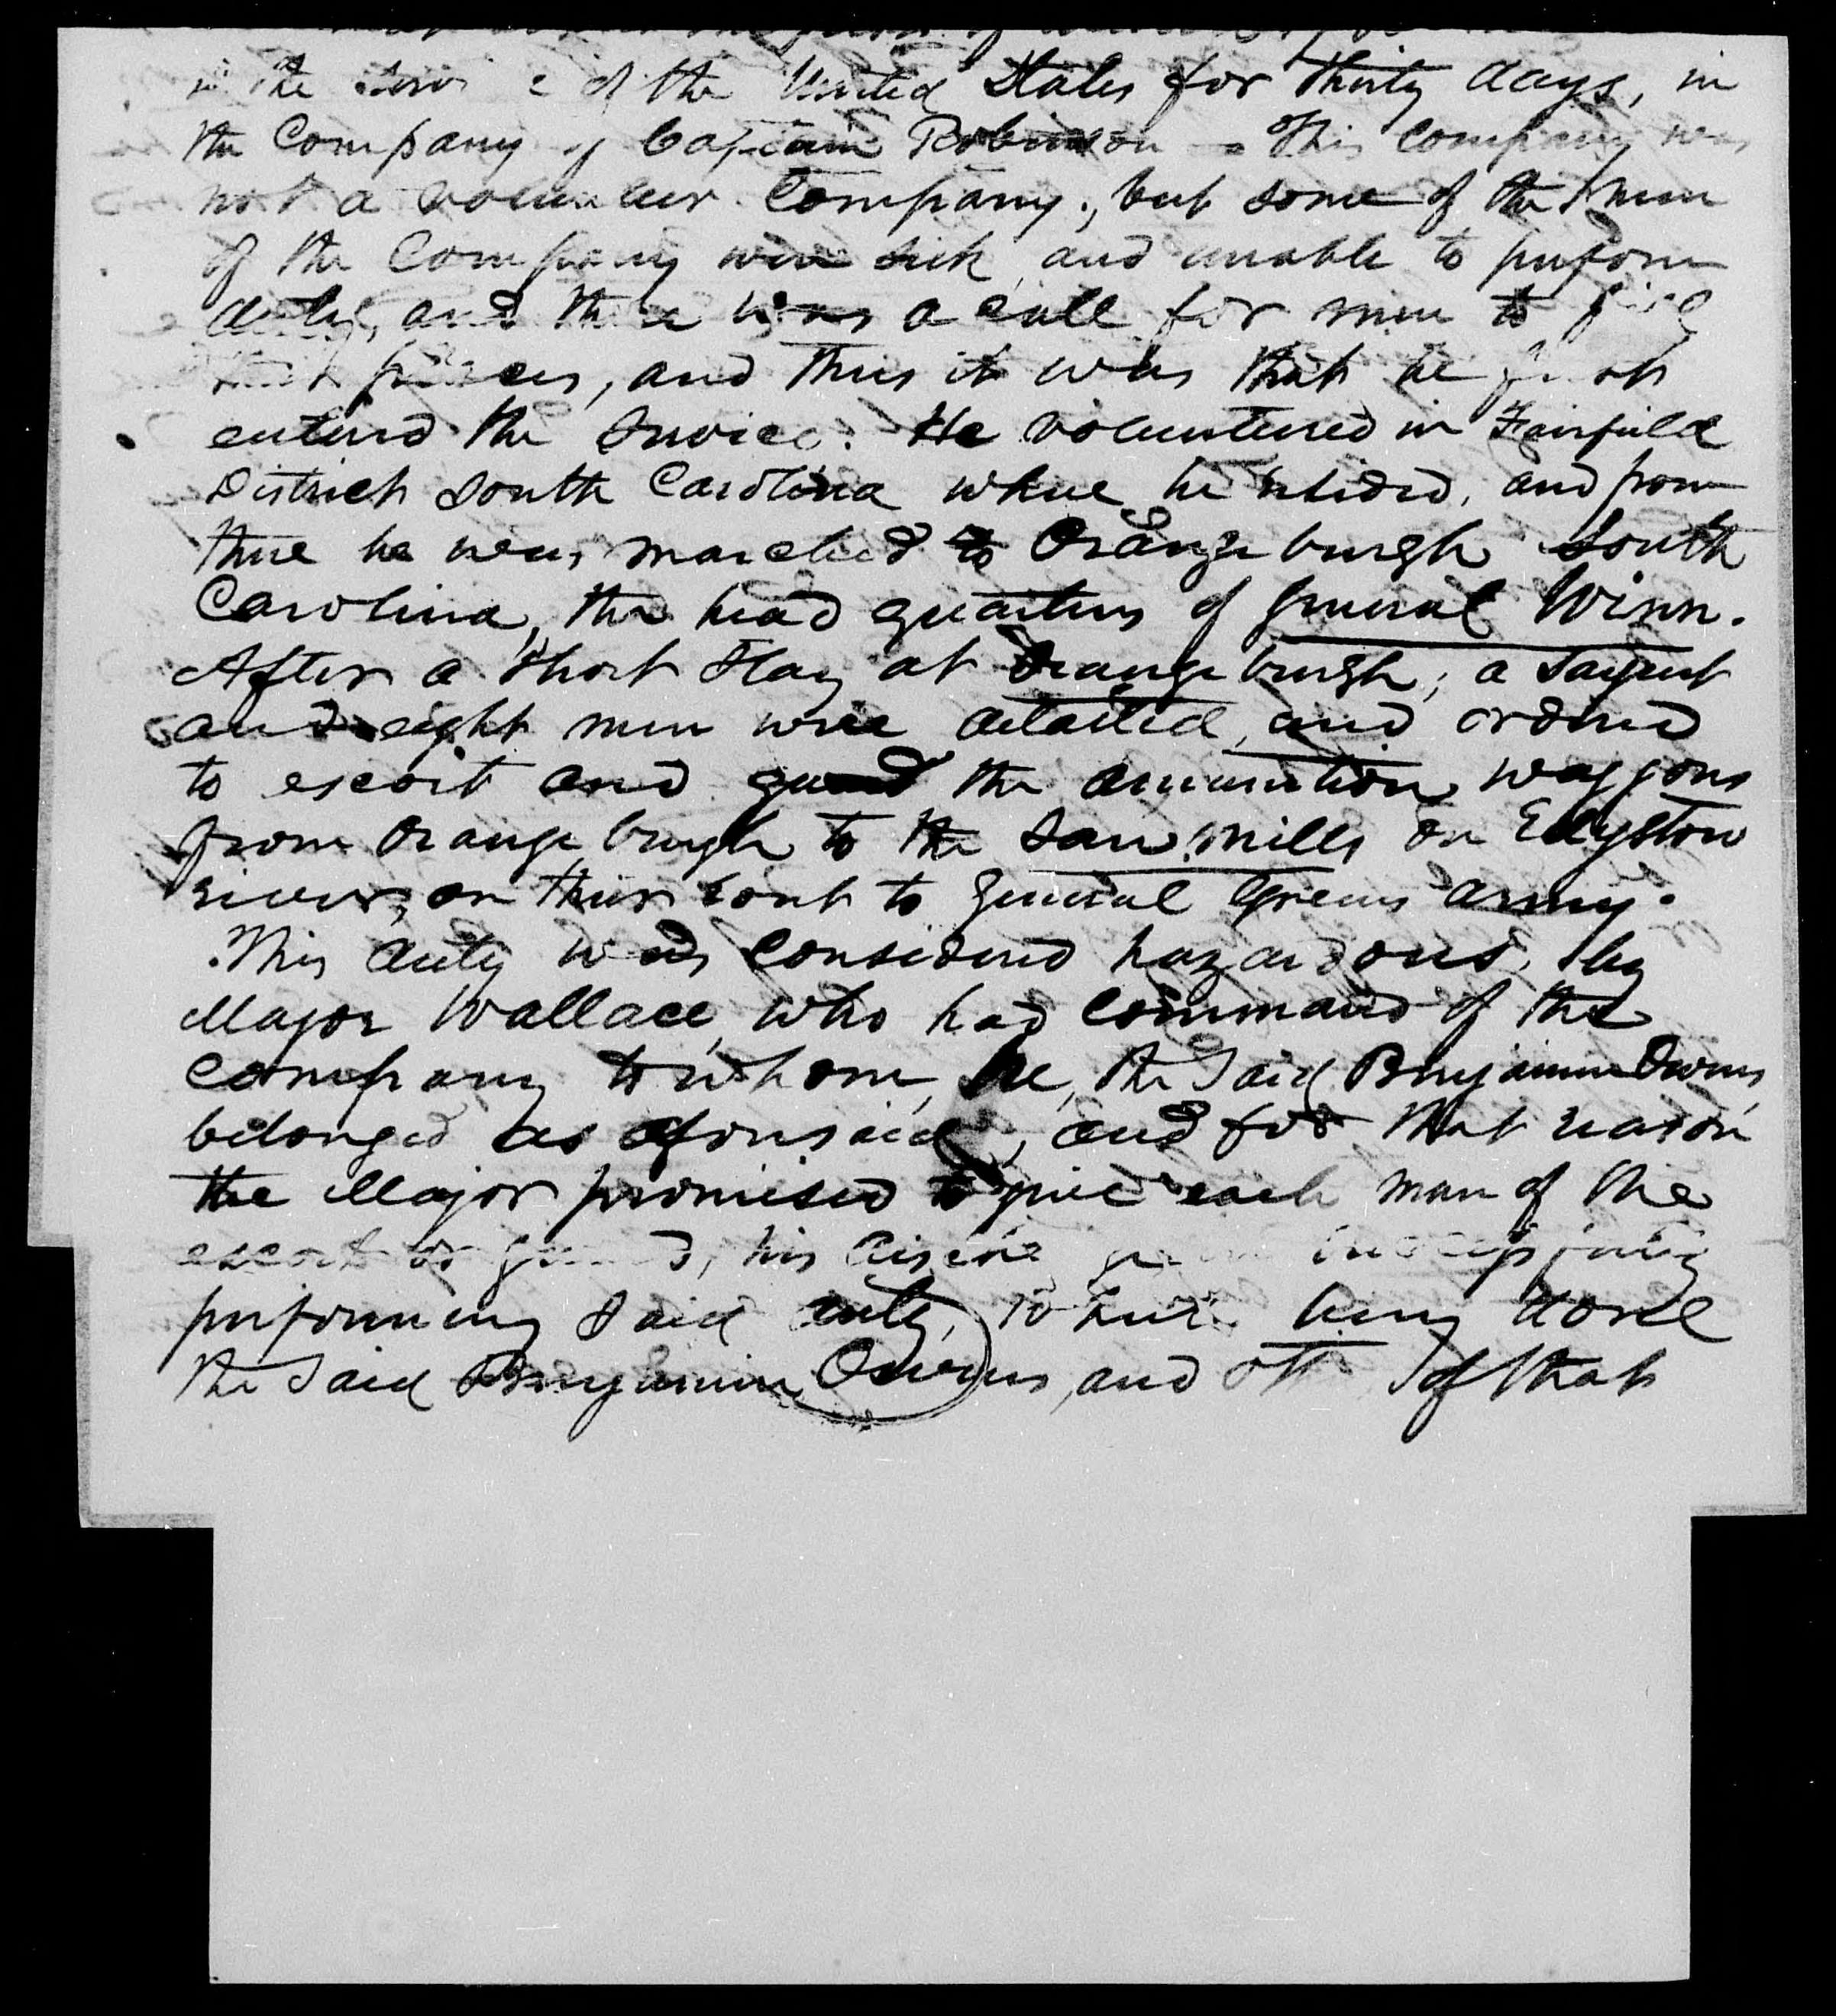in the service of the United States for thirty days, in the company of Captain Robinson -- This company was not a volunteer Company, but some of the prior of the Company were sick and unable to perform duty and there was a call for men to fill for & prosers, and thus it was that we just entered the service.  He volunteered in Fairfield District South Carolina where he enlisted, and from there he was marched to Orangeburgh South Carolina, the head quarters of General Winn.  After a short stay at Orangeburgh; a [unknown word] and eight men were detailed, and ordered to escort and guard the ammunition wagons from Orangeburgh to the Saw Mills on Edisto River, on their soil to General Greens army.  This duty was considered hazardous by Major Wallace, who had command of the company to whom he, the said Benjamin Owens belonged as aforesaid, and for that reason the Major promised to give each man of the escort or ground, his Risine guard [illegible word] performing said duty, to [illegible word] any done the said Benjamin Owens and other of that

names: [BLANK] Wallace; Benjamin Owens; [BLANK] Winn; [BLANK] Robinson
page: 4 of 28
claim: rejected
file: R. 7846, for Benjamin Owens, South Carolina